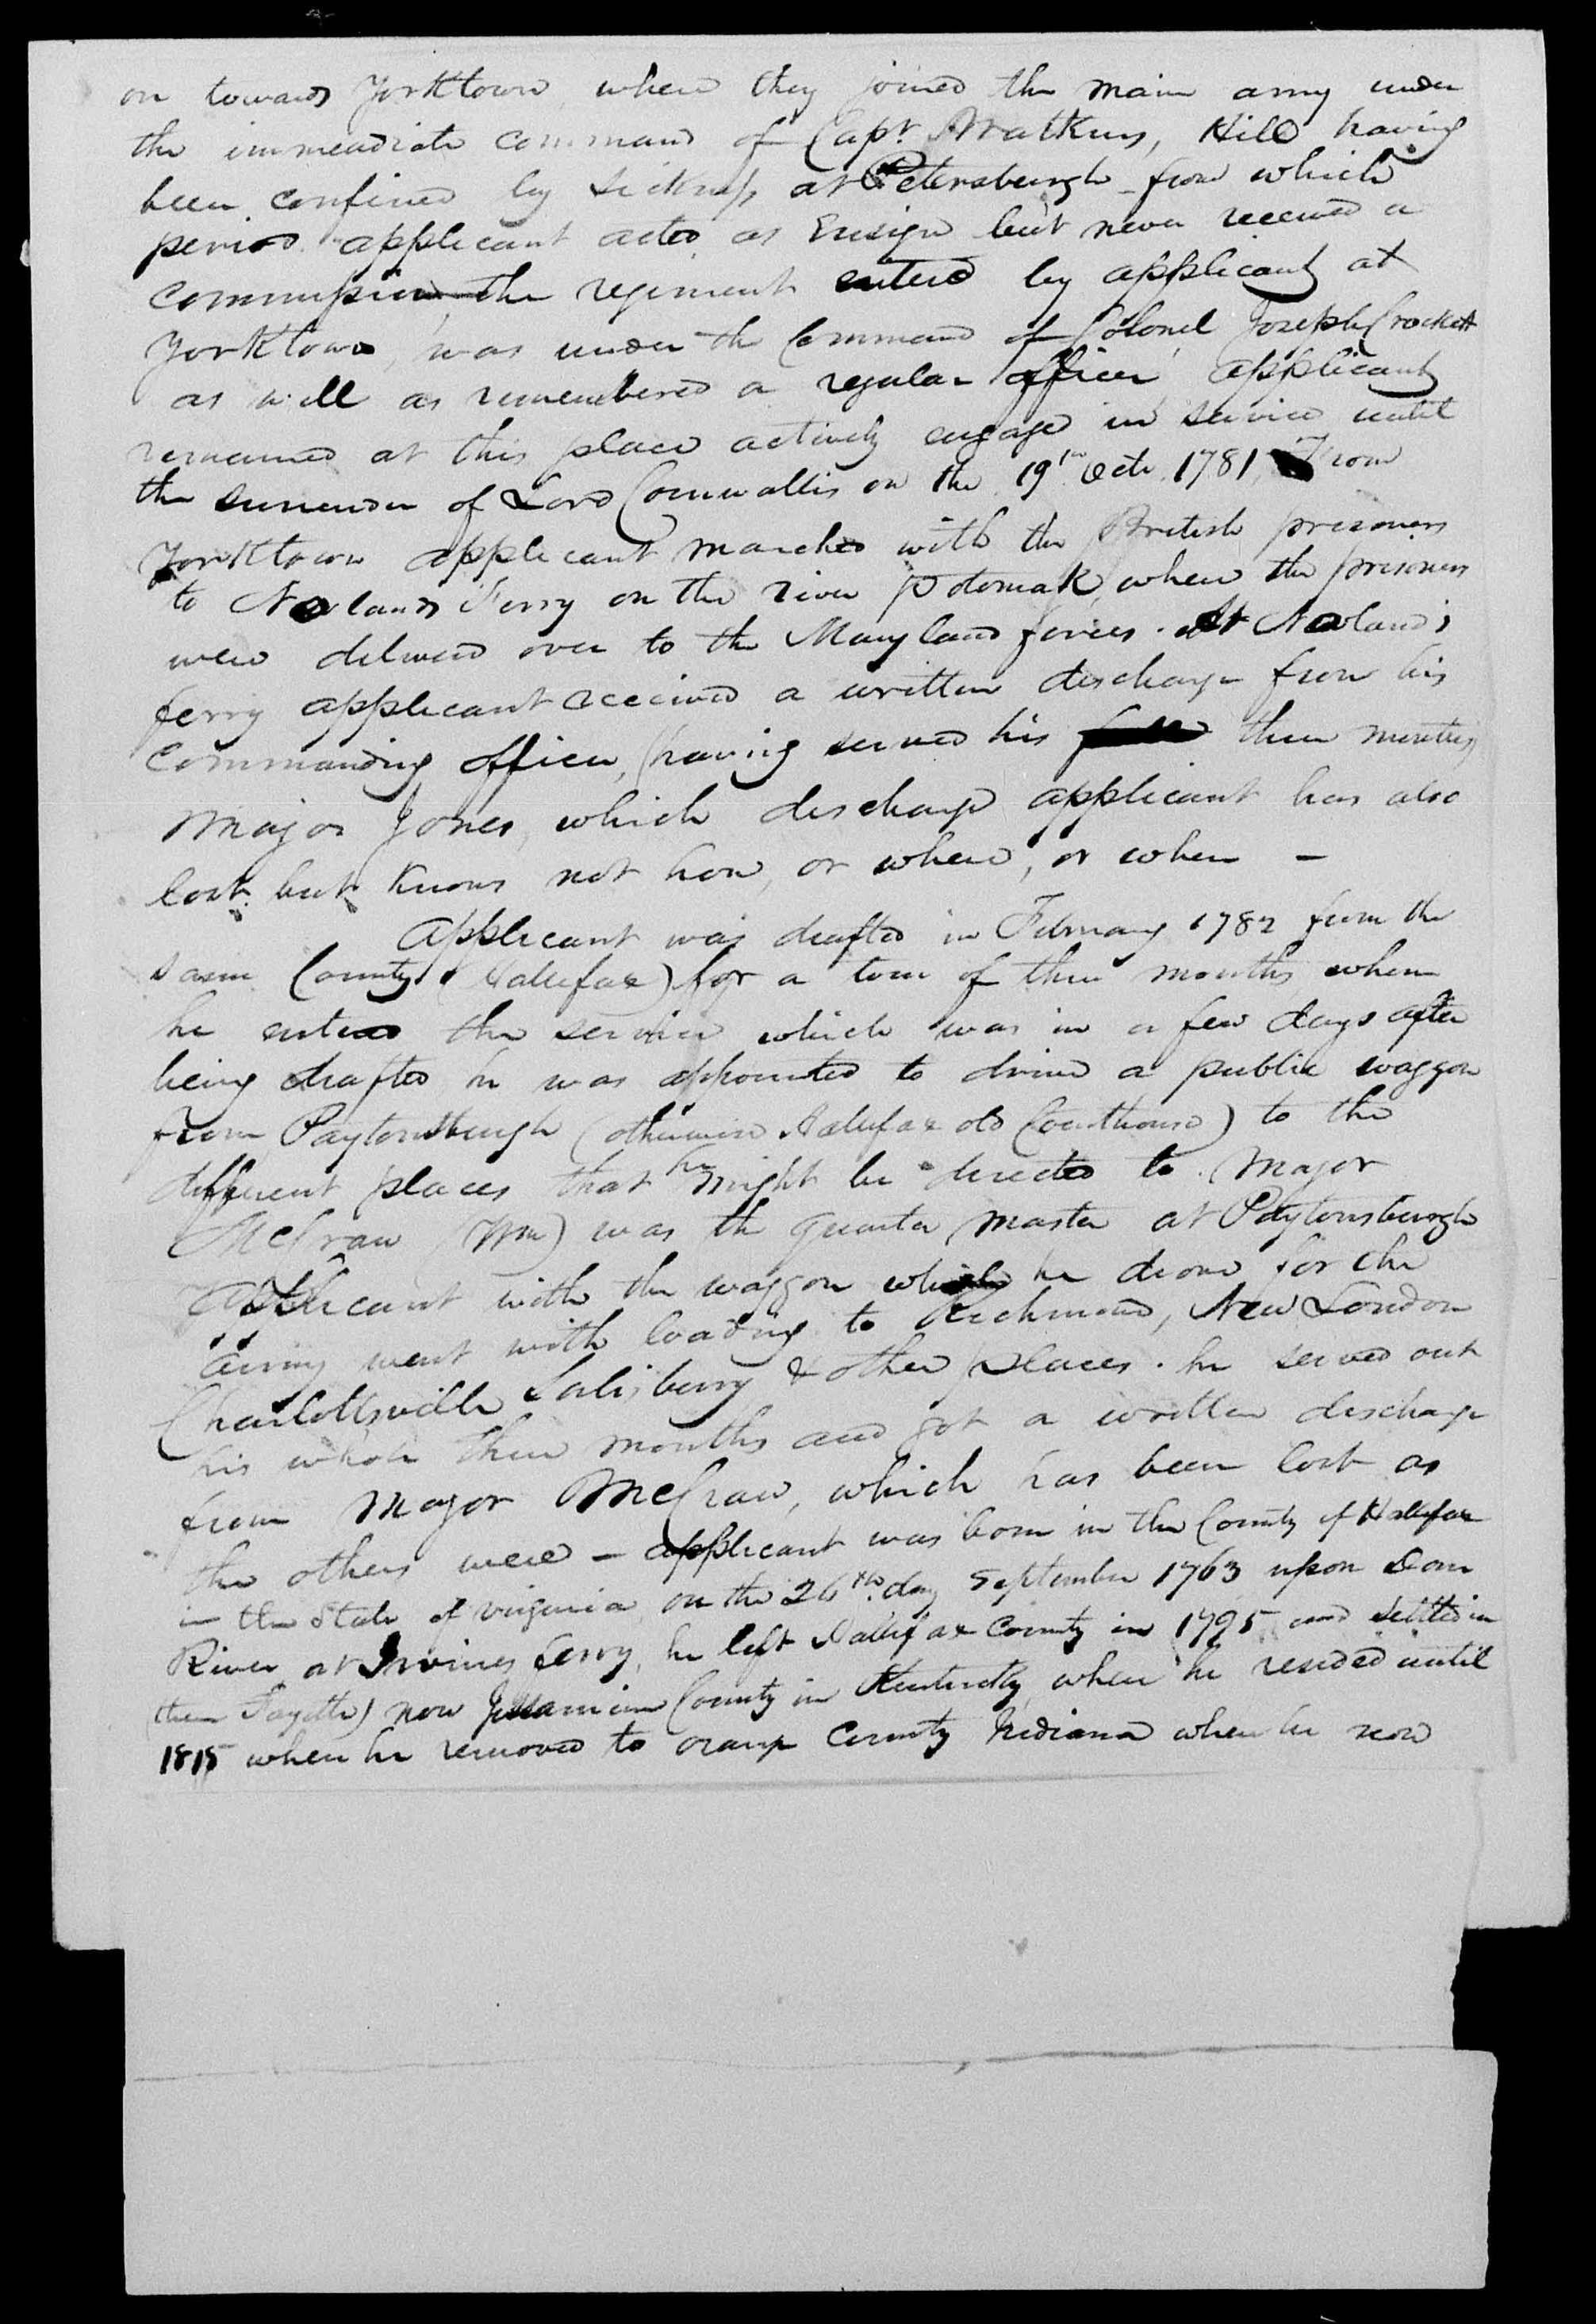on toward Yorktown where they joined the main army under the immediate command of Capt Watkins, Hill having been confined by sickness at Petersburgh - from which period applicant acted as Ensign but never received a commission - the regiment entered by applicant at Yorktown was under the command of Colonel Joseph Crockett as well as remembered, a regular officer - applicant remained at this place actively  engaged in service until the surrender of Lord Cornwallis on the 19th Oct. 1781, - from Yorktown applicant marched with the British prisoners
to Noland's Ferry on the River Potomac, - when the prisoners were delivered over to the Maryland forces - at Noland's ferry applicant received a written discharge from his commanding officer, having served his tour mustering Major Jones, which discharge applicant has also lost but knows not how or where, or when
Applicant was drafted in February 1782 from the same
County Halifax for a tour of there months - when
he entered the service which was in a few days after
being drafted he was appointed to drive a public Wagon from Paytonshough (otherwise Halifax old Courthouse) to the different places that might be directed to Major McGraw who was the quarter Master at Paytonsburgh - Applicant with the wagon which he drove for the Army went with loading to Richmond, New London the Salisbury & other places - he served out his three months and got a written discharge from Major McGraw, which has been lost as
the others were - Applicant was born in the County of Halifax the State  of Virginia on the 26th day September 1763 upon Dan River at Irvin ferry - he left  Halifax County in 1795 and settled in
then Layette) now Jessamine County in Kentucky where he resided until 1815 when he removed to Orange County Indiana where he now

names: [BLANK] Cornwallis; [BLANK] Watkins; [BLANK] Jones; Joseph Crockett; Wm Mc Craw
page: 5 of 13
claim: survivor's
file: S. 16422, for William Irvine, Virginia